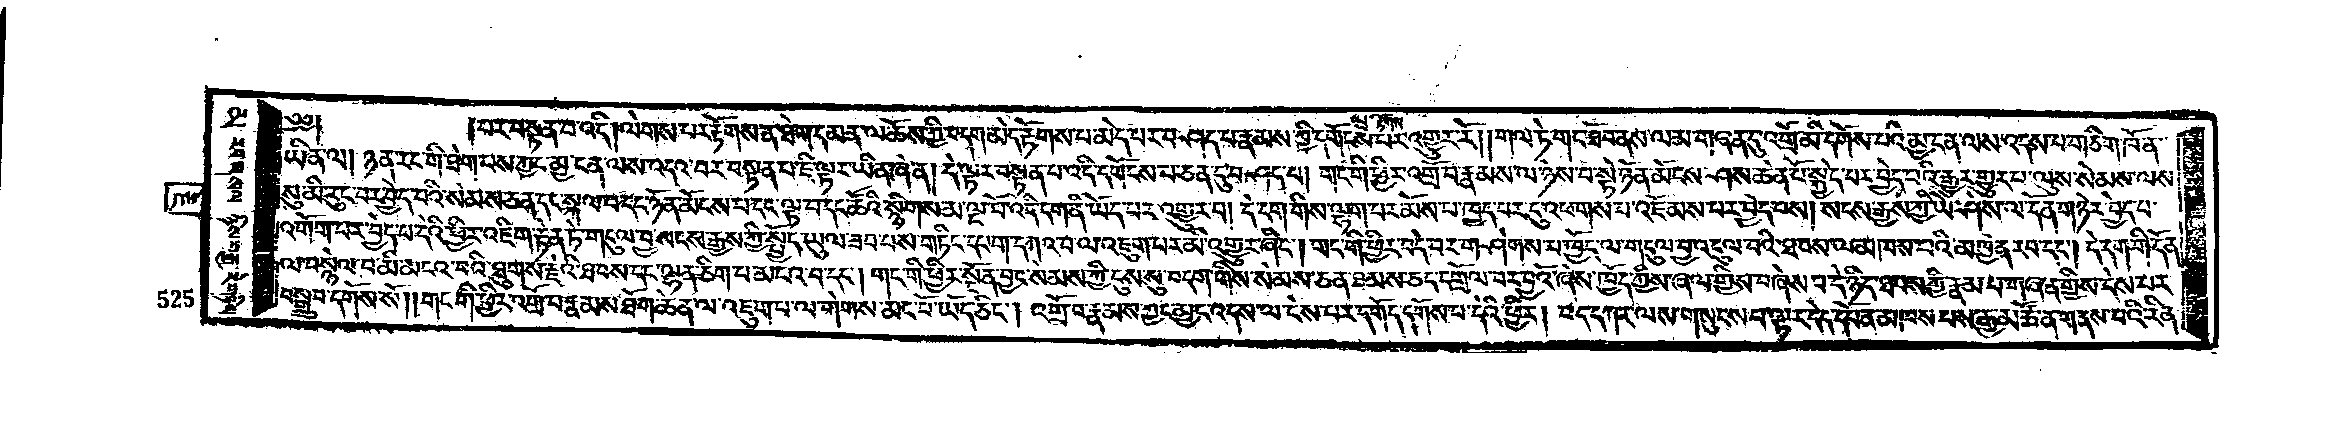༄༅། །པར་བསྟན་པ་འདི། ལེགས་པར་རྟོགས་ན་ཐེག་དམན་ལ་ཆོས་ཀྱི་བདག་མེད་རྟོགས་པ་མེད་པར་བཤད་པ་རྣམས་ཀྱི་དགོངས་པ་རྟོགས་པར་འགྱུར་རོ། །གལ་ཏེ་གང་ཐོབ་ནས་ལམ་གཞན་དུ་འགྲོ་མི་དགོས་པའི་མྱ་ངན་ལས་འདས་པ་གཅིག་ཁོ་ན་
ཡིན་ལ། ཉན་རང་གི་ཐེག་པས་ཀྱང་མྱ་ངན་ལས་འདའ་བར་བསྟན་པ་ཇི་ལྟར་ཡིན་ཞེ་ན། དེ་ལྟར་བསྟན་པ་འདི་དགོངས་པ་ཅན་དུ་བཤད་པ། གང་གི་ཕྱིར་འགྲོ་བ་རྣམས་ལ་ཉེས་པ་སྟེ་ཉོན་མོངས་ཤས་ཆེན་པོ་སྐྱེད་པར་བྱེད་པའི་རྒྱུར་གྱུར་པ་ལུས་སེམས་ལས་
སུ་མི་རུང་བར་བྱེད་པའི་སེམས་ཅན་དང་སྐལ་བ་དང་ཉོན་མོངས་པ་དང་ལྟ་བ་དང་ཚེའི་སྙིགས་མ་ལྔ་པོ་འདི་དག་ནི་ཡོད་པར་འགྱུར་བ། དེ་དག་གིས་ལྷག་པར་མོས་པ་ཁྱད་པར་དུ་འཕགས་པ་འཇོམས་པར་བྱེད་པས། སངས་རྒྱས་ཀྱི་ཡེ་ཤེས་ལ་དོན་གཉེར་བྱེད་པ་
འགོག་པར་བྱེད་པ་དེའི་ཕྱིར་འཇིག་རྟེན་ཏེ་གདུལ་བྱ་སངས་རྒྱས་ཀྱི་སྤྱོད་ཡུལ་ཟབ་པས་གཏིང་དཔག་དཀའ་པ་ལ་འཇུག་པར་མི་འགྱུར་ཞིང་། གང་གི་ཕྱིར་བདེ་བར་གཤེགས་པ་ཁྱོད་ལ་གདུལ་བྱ་འདུལ་བའི་ཐབས་ལ་མཁས་པའི་མཁྱེན་རབ་དང་། དེ་དག་གི་དོན་
ལ་བསྙེལ་བ་མི་མངའ་བའི་ཐུགས་རྗེའི་ཐབས་དང་ལྷན་ཅིག་པ་མངའ་བ་དང་། གང་གི་ཕྱིར་སྔོན་བྱང་སེམས་ཀྱི་དུས་སུ་བདག་གིས་སེམས་ཅན་ཐམས་ཅད་དགྲོལ་བར་བྱའོ་ཞེས་ཁྱེད་ཀྱིས་ཞལ་གྱིས་བཞེས་པ་དེ་ཉིད་ཐབས་ཀྱི་རྣམ་པ་གཞན་གྱིས་ངེས་པར་
བསྒྲུབ་དགོས་སོ། །གང་གི་ཕྱིར་འགྲོ་བ་རྣམས་ཐེག་ཆེན་ལ་འཇུག་པ་ལ་གེགས་མང་པོ་ཡོད་ཅིང་། འགྲོ་བ་རྣམས་ཀྱང་མྱང་འདས་ལ་ངེས་པར་དགོད་དགོས་པ་དེའི་ཕྱིར། པད་དཀར་ལས་གསུངས་པ་ལྟར་དེད་དཔོན་མཁས་པས་རྒྱ་མཚོ་ན་གནས་པའི་རིན་